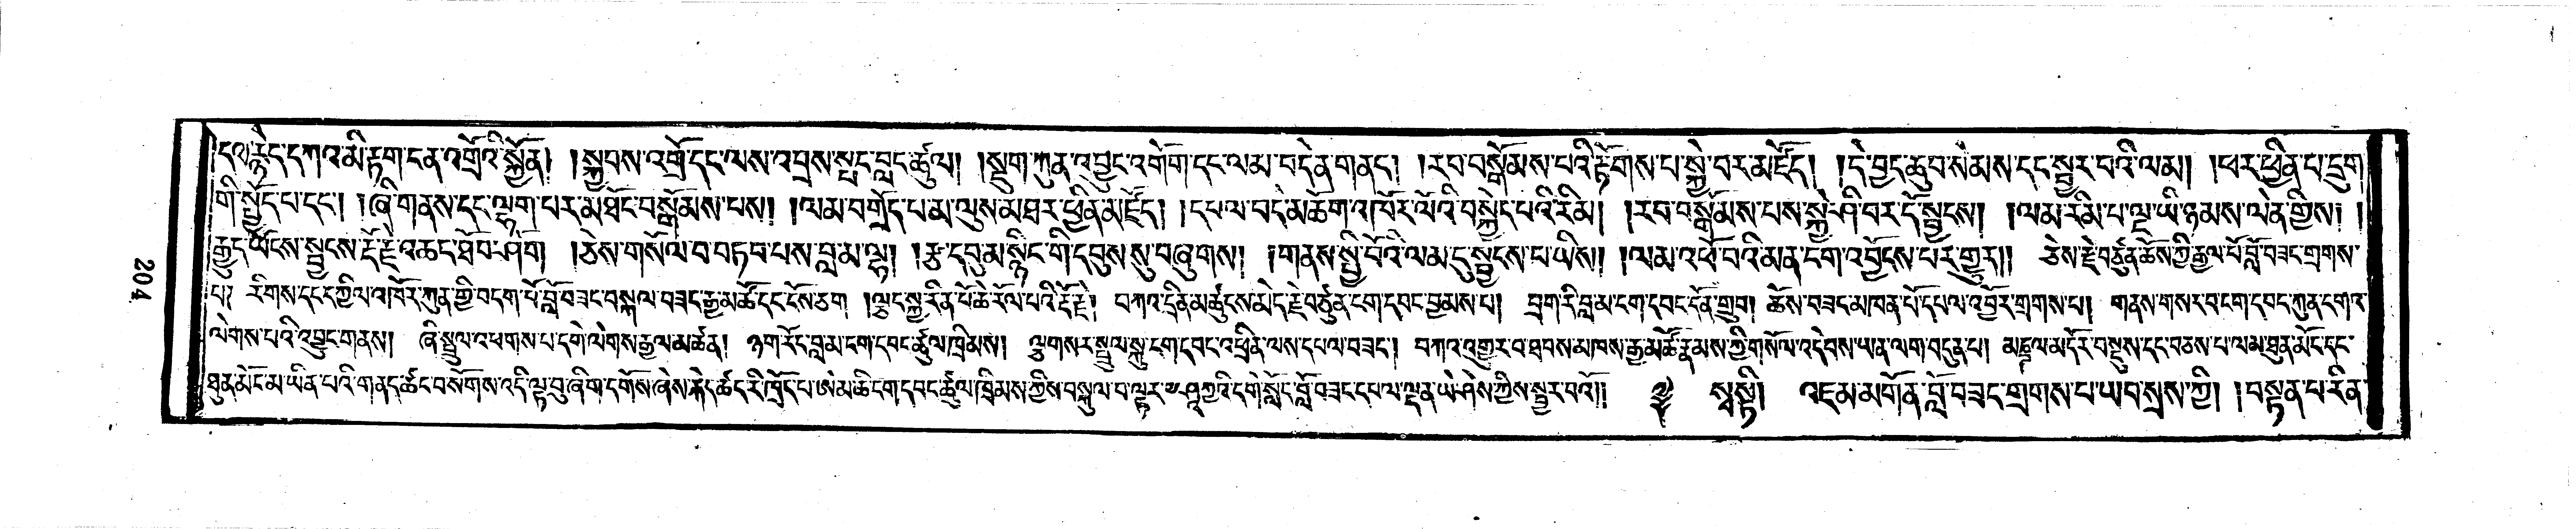དལ་རྙེད་དཀའ་མི་རྟག་ངན་འགྲོའི་སྐྱོན། །སྐྱབས་འགྲོ་དང་ལས་འབྲས་སྤང་བླང་ཚུལ། །སྡུག་ཀུན་འབྱུང་འགོག་དང་ལམ་བདེན་གནང་། །རབ་བསྒོམས་པའི་རྟོགས་པ་སྐྱེ་བར་མཛོད། །དེ་བྱང་ཆུབ་སེམས་དང་སྦྱར་བའི་ལམ། །ཕར་ཕྱིན་པ་དྲུག་
གི་སྤྱོད་པ་དང་། །ཞི་གནས་དང་ལྷག་པར་མཐོང་བསྒོམས་པས། །ལམ་བགྲོད་པ་མ་ལུས་མཐར་ཕྱིན་མཛོད། །དཔལ་བདེ་མཆོག་འཁོར་ལོའི་བསྐྱེད་པའི་རིམ། །རབ་བསྒོམས་པས་སྐྱེ་ཤི་བར་དོ་སྦྱངས། །ལམ་རིམ་པ་ལྔ་ཡི་ཉམས་ལེན་གྱིས། །
རྒྱུད་ཡོངས་སྦྱངས་རྡོ་རྗེ་འཆང་ཐོབ་ཤོག །ཅེས་གསོལ་བ་བཏབ་པས་བླ་མ་ལྷ། །རྩ་དབུ་མ་སྙིང་གི་དབུས་སུ་བཞུགས། །གནས་སྤྱི་བོའི་ལམ་དུ་སྦྱངས་པ་ཡིས། །ལམ་འཕོ་བའི་མན་ངག་འབྱོངས་པར་གྱུར།། ཅེས་རྗེ་བཙུན་ཆོས་ཀྱི་རྒྱལ་པོ་བློ་བཟང་གྲགས་
པ༑ རིགས་དང་དཀྱིལ་འཁོར་ཀུན་གྱི་བདག་པོ་བློ་བཟང་བསྐལ་བཟང་རྒྱ་མཚོ་དང་ངོས་ཅག །ལྕང་སྐྱ་རིན་པོ་ཆེ་རོལ་པའི་རྡོ་རྗེ། བཀའ་དྲིན་མཚུངས་མེད་རྗེ་བཙུན་ངག་དབང་བྱམས་པ། བྲག་རི་བླ་མ་ངག་དབང་དོན་གྲུབ། ཆོས་བཟང་མཁན་པོ་དཔལ་འབྱོར་གྲགས་པ། གནས་གསར་བ་ངག་དབང་ཀུན་དགའ་
ལེགས་པའི་འབྱུང་གནས། ཞི་སྤྲུལ་འཕགས་པ་དགེ་ལེགས་རྒྱལ་མཚན། ཉག་རོང་བླ་མ་ངག་དབང་ཚུལ་ཁྲིམས། ལྕགས་ར་སྤྲུལ་སྐུ་ངག་དབང་འཕྲིན་ལས་དཔལ་བཟང་། བཀའ་འགྱུར་བ་ཐབས་མཁས་རྒྱ་མཚོ་རྣམས་ཀྱི་གསོལ་འདེབས་ཡན་ལག་བདུན་པ། མཎྜལ་མདོར་བསྡུས་དང་བཅས་པ་ལ་མ་ཐུན་མོང་དང་
ཐུན་མོང་མ་ཡིན་པའི་གནད་ཚང་བ་སོགས་འདི་ལྟ་བུ་ཞིག་དགོས་ཞེས་རྐེད་ཚང་རི་ཁྲོད་པ་ཨེ་མཆི་དག་དབང་ཚུལ་ཁྲིམས་ཀྱིས་བསྐུལ་བ་ལྟར་༧་ཤཱཀྱའི་དགེ་སློང་བློ་བཟང་དཔལ་ལྡན་ཡེ་ཤེས་ཀྱིས་སྦྱར་བའོ།། ༈ སྭ་སྟི། འཇམ་མགོན་བློ་བཟང་གྲགས་པ་ཡབ་སྲས་ཀྱི། །བསྟན་པ་རིན་